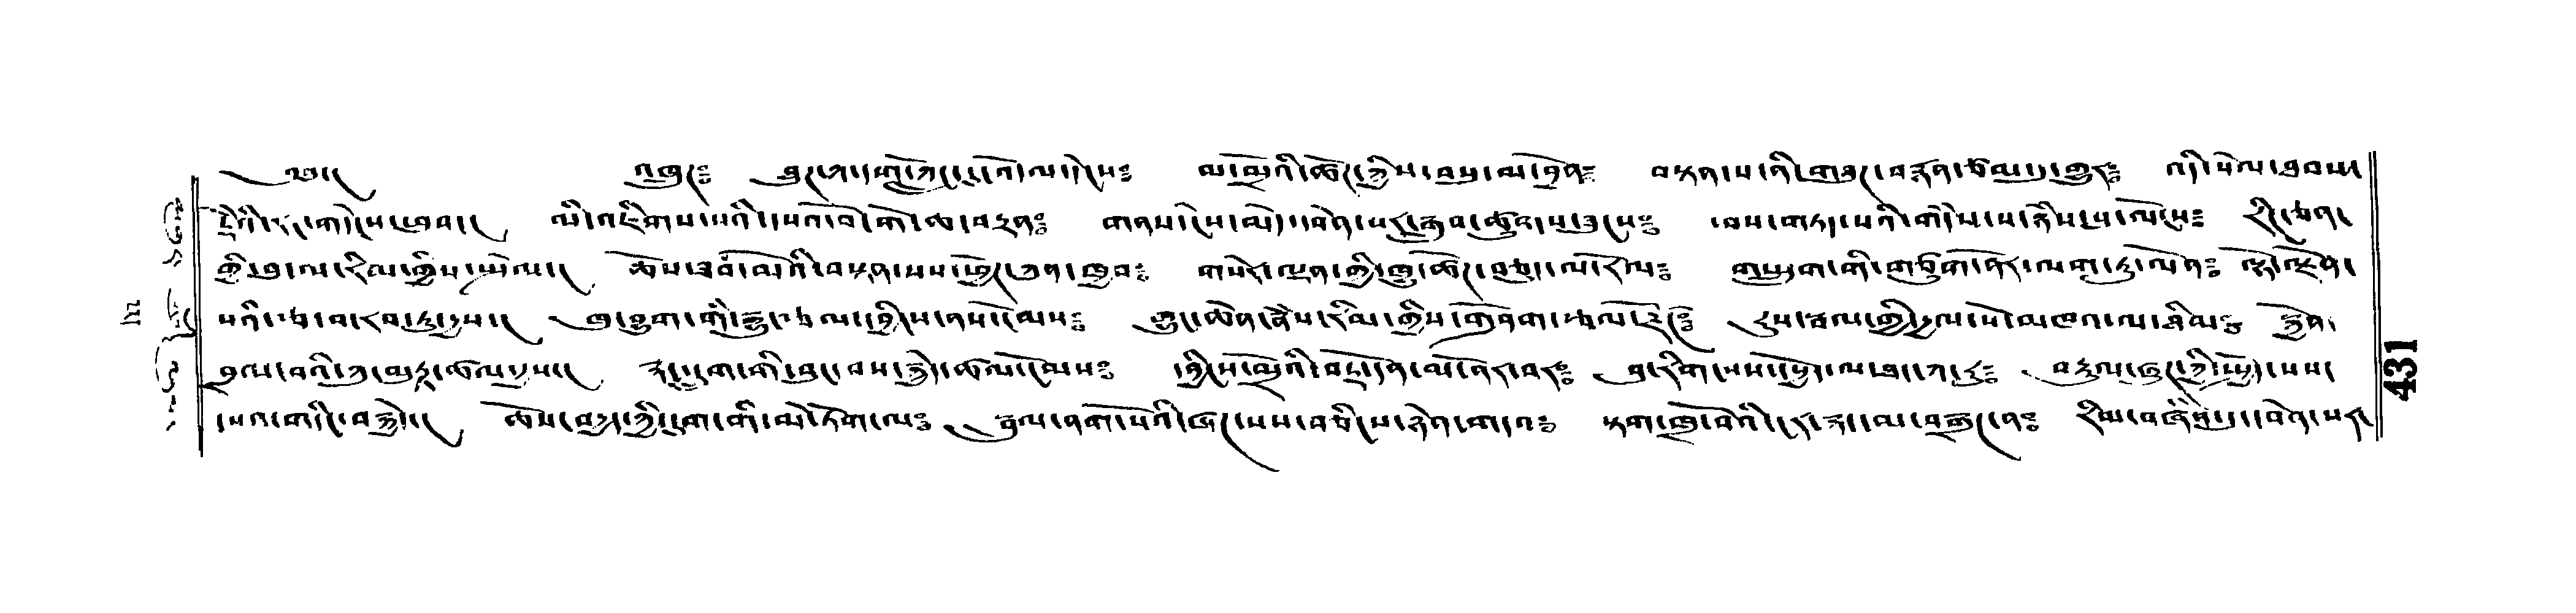འཁྲུགས༔ ཐུགས་ཀ་དག་ཀློང་དུ་འོད་གསལ་དེངས༔ མ་མཁའ་འགྲོའི་ཚོགས་ཀྱིས་བསུ་མ་བྱོན༔ བསྟན་པ་ནི་གཟུགས་བརྙན་ཙམ་དུ་གྱུར༔ འདི་སེལ་ཐབས་
རྡོ་རྗེའི་རང་གདེངས་ཕུབ༔ མི་འཇིགས་པའི་དཔའ་བོ་གོ་ཆ་བརྟན༔ གནས་ངེས་མེད་དབེན་པར་སྒྲུབ་ཚུགས་ཟུངས༔ ཕས་གཏད་པའི་གདམས་པ་ཉམས་སུ་ལོངས༔ རིགས་ཅན་
གྱི་བུ་ལ་རིམ་གྱིས་སྤེལ༔ ཆོས་ཟབ་མོའི་བསྟན་པས་ཕྱོགས་ཀུན་ཁྱབ༔ གསེར་ལྡན་གྱི་ཁྱུ་ཚོགས་བཅུད་ལ་རོལ༔ གཡུ་ཕྲུག་གི་གཙུག་ནོར་ལག་ཏུ་ལོན༔ ལྷོ་ལྗོན་
པའི་རྩ་བ་རབ་ཏུ་རྒྱས༔ ཁུ་བྱུག་གི་སྒྱུ་རྩལ་དབྱིངས་ནས་ངོམས༔ ཁྱུང་ཆེན་རྣམས་རིམ་གྱིས་གཤོག་རྩལ་རྫོགས༔ རུས་སྦལ་གྱི་རྒྱལ་པོ་མཁའ་ལ་ཐིམ༔ སྐྱོན་
བྲལ་བའི་ཀུ་མུཏྟ་ཚལ་རྒྱས༔ རྐང་དྲུག་གི་བུང་བས་སྐྱེད་ཚལ་ངོམས༔ དབྱིངས་མཁའ་འགྲོའི་བརྡ་དོན་མ་ནོར་བར༔ བུ་རིག་པས་དཔྱོད་ལ་ཐད་ཀ་རུ༔ བརྟུལ་ཞུགས་ཀྱི་སྤྱོད་པས་
དཔའ་གདིང་བསྐྱེད༔ ཆོས་བརྒྱད་ཀྱི་དུག་གི་མེ་ཏོག་ལ༔ སྦྲུལ་ནག་པོའི་ཞགས་པས་བཅིངས་ཉེན་གདའ༔ སྟག་ཁྲ་བོའི་ངར་སྐད་མ་བསྒྲགས་ན༔ རིམ་བཞིན་དུ་དབེན་པར་